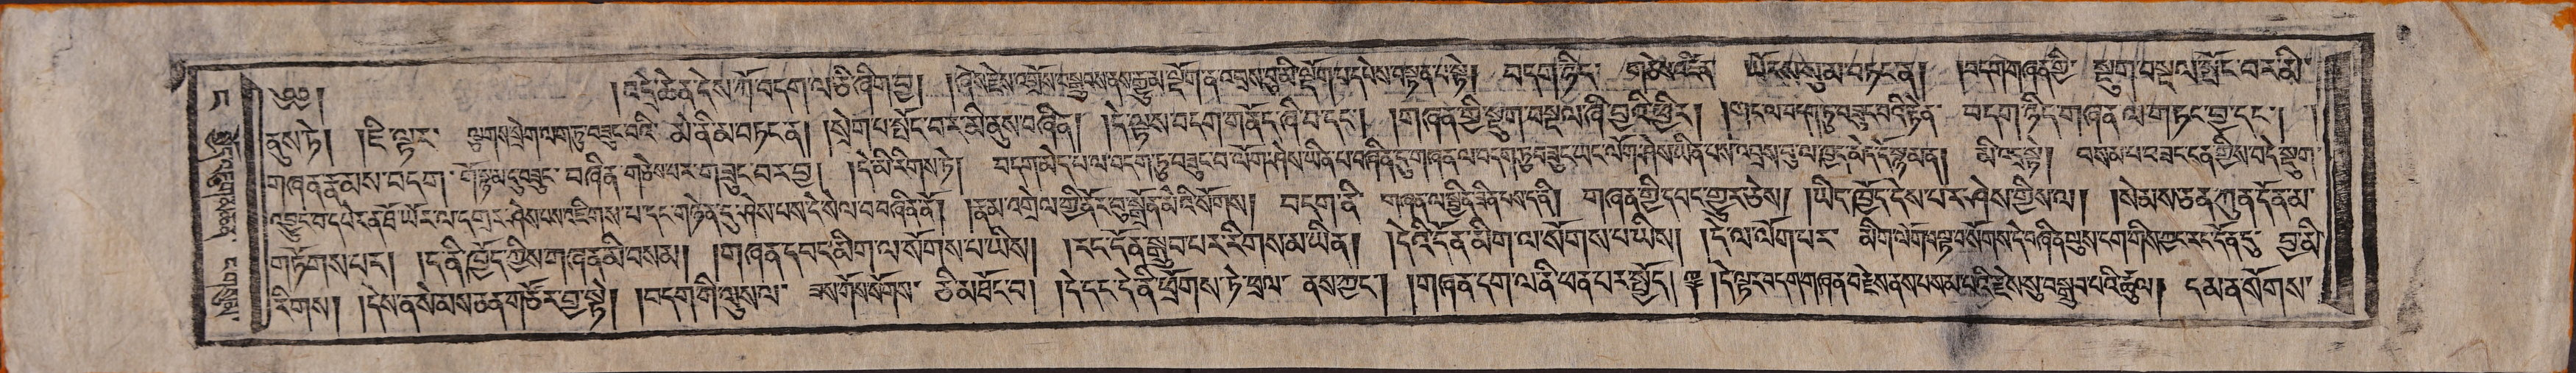༄༅། །འདྲེ་ཆེན་དེས་ཀོ་བདག་ལ་ཅི་ཞིག་བྱ། །ཞེས་རྗེས་འགྲོས་པ་སྒྲུབས་ནས་རྒྱུ་མ་ལྡོག་ན་འབྲས་བུ་མི་ལྡོག་པ་དཔེས་བསྟན་པ་སྟེ།  བདག་ཉིད་གཅེས་འཛིན་ཡོངས་སུ་མ་བཏང་ན། །བདག་གཞན་གྱི་སྡུག་བསྔལ་སྤོང་བར་མི་
ནུས་ཏེ། །ཇི་ལྟར་ལྕགས་སྲེག་ལག་ཏུ་བཟུང་བའི་མེ་ནི་མ་བཏང་ན། །སྲེག་པ་སྤོང་བར་མི་ནུས་བཞིན། །དེ་ལྟས་བདག་གནོད་ཞི་བ་དང་། །གཞན་གྱི་སྡུག་བསྔལ་ཞི་བྱའི་ཕྱིར། །གང་ལ་བདག་ཏུ་བཟུང་བའི་རྟེན་བདག་ཉིད་གཞན་ལ་གཏང་བྱ་དང་། །
གཞན་རྣམས་བདག་གོ་སྙམ་དུ་བཟུང་བཞིན་གཅེས་པར་གཟུང་བར་བྱ། །དེ་མི་རིགས་ཏེ། བདག་མེད་པ་ལ་བདག་ཏུ་བཟུང་བ་ལོག་ཤེས་ཡིན་པ་བཞིན་དུ་གཞན་ལ་བདག་ཏུ་བཟུང་ཡང་ལོག་ཤེས་ཡིན་པས་འབྲས་བུ་ལ་ཁྱད་མེད་དོ་སྙམ་ན། མི་འདྲ་སྟེ། བསམས་པ་བཟང་ངན་གྱིས་བདེ་སྡུག་
འབྱུང་བ་དཔེར་ན་ཐོ་ཡོར་ལ་དགྲར་ཤེས་པས་འཇིགས་པ་དང་གཉེན་དུ་ཤེས་པས་དེ་སེལ་བ་བཞིན་ནོ། །རྣམ་འགྲེལ་གྱི་ནོར་བུ་སྒྲོན་མེའི་སོགས། བདག་ནི་གཞན་ལ་སྦྱིན་ཟིན་བསད་ནི།  གཞན་གྱི་དབང་གྱུར་ཅེས། །ཡིད་ཁྱོད་ངེས་པར་ཤེས་གྱིས་ལ། །སེམས་ཅན་ཀུན་དོན་མ་
གཏོགས་པར། །ད་ནི་ཁྱོད་ཀྱིས་གཞན་མི་བསམ། །གཞན་དབང་མིག་ལ་སོགས་པ་ཡིས། །རང་དོན་སྒྲུབ་པར་རིགས་མ་ཡིན། །དེའི་དོན་མིག་ལ་སོགས་པ་ཡིས། །དེ་ལ་ལོག་པར་མིག་ལོག་བལྟ་བ་སོགས་དེ་བཞིན་ལུས་ངག་གིས་ཀྱང་རང་དོན་དུ་བྱ་མི་
རིགས། །དེས་ན་སེམས་ཅན་གཙོར་བྱ་སྟེ། །བདག་གི་ལུས་ལ་ཟས་གོས་སོགས་ཅི་མཐོང་བ། །དེ་དང་དེ་ནི་ཕྲོགས་ཏེ་ཕྲལ་ནས་ཀྱང་། །གཞན་དག་ལ་ནི་ཕན་པར་སྤྱོད། ༈ །དེ་ལྟར་བདག་གཞན་བརྗེས་ནས་བསམ་པའི་རྗེས་ནས་བསམ་པའི་རྗེས་སུ་བསྲུང་པའི་ཚུལ། དམན་སོགས་